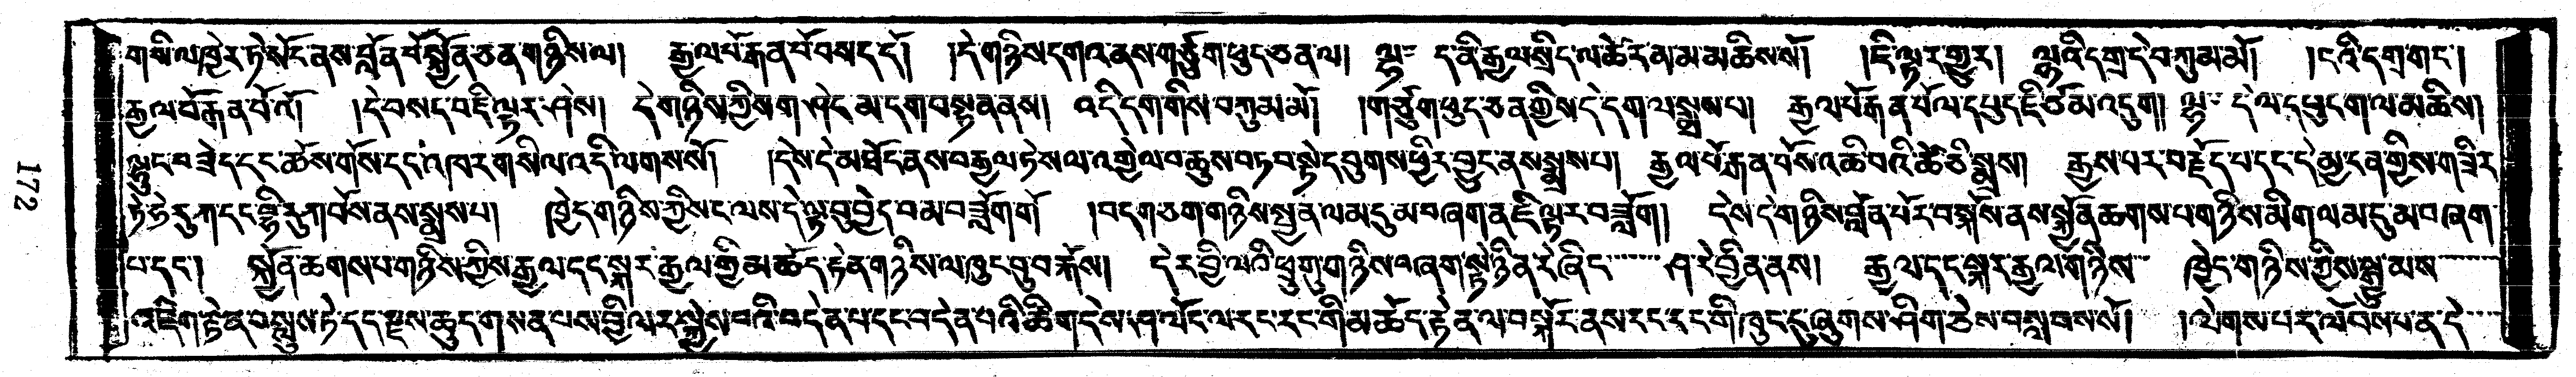གསི་ལ་ཁྱེར་ཏེ་སོང་ནས་བློན་པོ་སྐྱོན་ཅན་གཉིས་ལ། རྒྱལ་པོ་རྒན་པོ་བསད་དོ། །དེ་གཉིས་དགའ་ནས་གཙུག་ཕུད་ཅན་ལ། ལྷ་ད་ནི་རྒྱལ་སྲིད་ལ་ཚེར་མ་མ་མཆིས་སོ། །ཇི་ལྟར་གྱུར། ལྷའི་དགྲ་དེ་བཀུམ་མོ། །ངའི་དགྲ་གང་།
རྒྱལ་བོ་རྒན་བོ་འོ། །དེ་བསད་བ་ཇི་ལྟར་ཤེས། དེ་གཉིས་ཀྱིས་གཤེང་མ་དག་བསྟན་ནས། འདི་དག་གིས་བཀུམ་མོ། །གཙུག་ཕུད་ཅན་གྱིས་དེ་དག་ལ་སྨྲས་པ། རྒྱལ་པོ་རྒན་པོ་ལ་དཔུང་ཇི་ཙམ་འདུག། ལྷ་དེ་ལ་དཔུང་ག་ལ་མཆིས།
ལྷུང་བཟེད་དང་ཆོས་གོས་དང་འཁར་གསིལ་འདི་ལགས་སོ། །དེས་དེ་མཐོང་ནས་བརྒྱལ་ཏེ་སལ་འགྱེལ་བ་ཆུས་བཏབ་སྟེ་དབུགས་ཕྱིར་བྱུང་ནས་སྨྲས་པ། རྒྱལ་པོ་རྒན་པོས་འཆི་བའི་ཚེ་ཅི་སྨྲས། རྒྱས་པར་བརྗོད་པ་དང་དེ་མྱ་ངན་གྱིས་གཟིར་
ཏེ་ཧེ་རུ་ཀ་དང་བྷི་རུཀ་བོས་ནས་སྨྲས་པ། ཁྱེད་གཉིས་ཀྱིས་ང་ལས་དེ་ལྟ་བུ་བྱེད་བ་མ་བཟློག་གོ །བདག་ཅག་གཉིས་སྤྱན་ལམ་དུ་མ་བཞག་ན་ཇི་ལྟར་བཟློག། དེས་དེ་གཉིས་བློན་པོར་བསྐོས་ནས་སྐྱོན་ཆགས་པ་གཉིས་མིག་ལམ་དུ་མ་བཞག་
པ་དང་། སྐྱོན་ཆགས་པ་གཉིས་ཀྱིས་རྒྱལ་དང་སྐར་རྒྱལ་གྱི་མཆོད་རྟེན་གཉིས་ལ་ཁུང་བུ་བརྐོས། དེར་བྱི་ལའི་ཕྲུ་གུ་གཉིས་བཞག་སྟེ་ཉིན་རེ་ཞིང་ཤ་རེ་བྱིན་ནས། རྒྱལ་དང་སྐར་རྒྱལ་གཉིས་ཁྱེད་གཉིས་ཀྱིས་སྒྱུ་མས་
འཇིག་རྟེན་བསླུས་ཏེ་དད་རྫས་ཆུད་གསན་པས་བྱི་ལར་སྐྱེས་བའི་བདེན་པ་དང་བདེན་པའི་ཚིག་དེས་ཤ་ལོང་ལ་རང་རང་གི་མཆོད་རྟེན་ལ་བསྐོར་ནས་རང་རང་གི་ཁུང་དུ་ཞུགས་ཤིག་ཅེས་བསླབས་སོ། །ལེགས་པར་ལོབས་པ་ན་དེ་